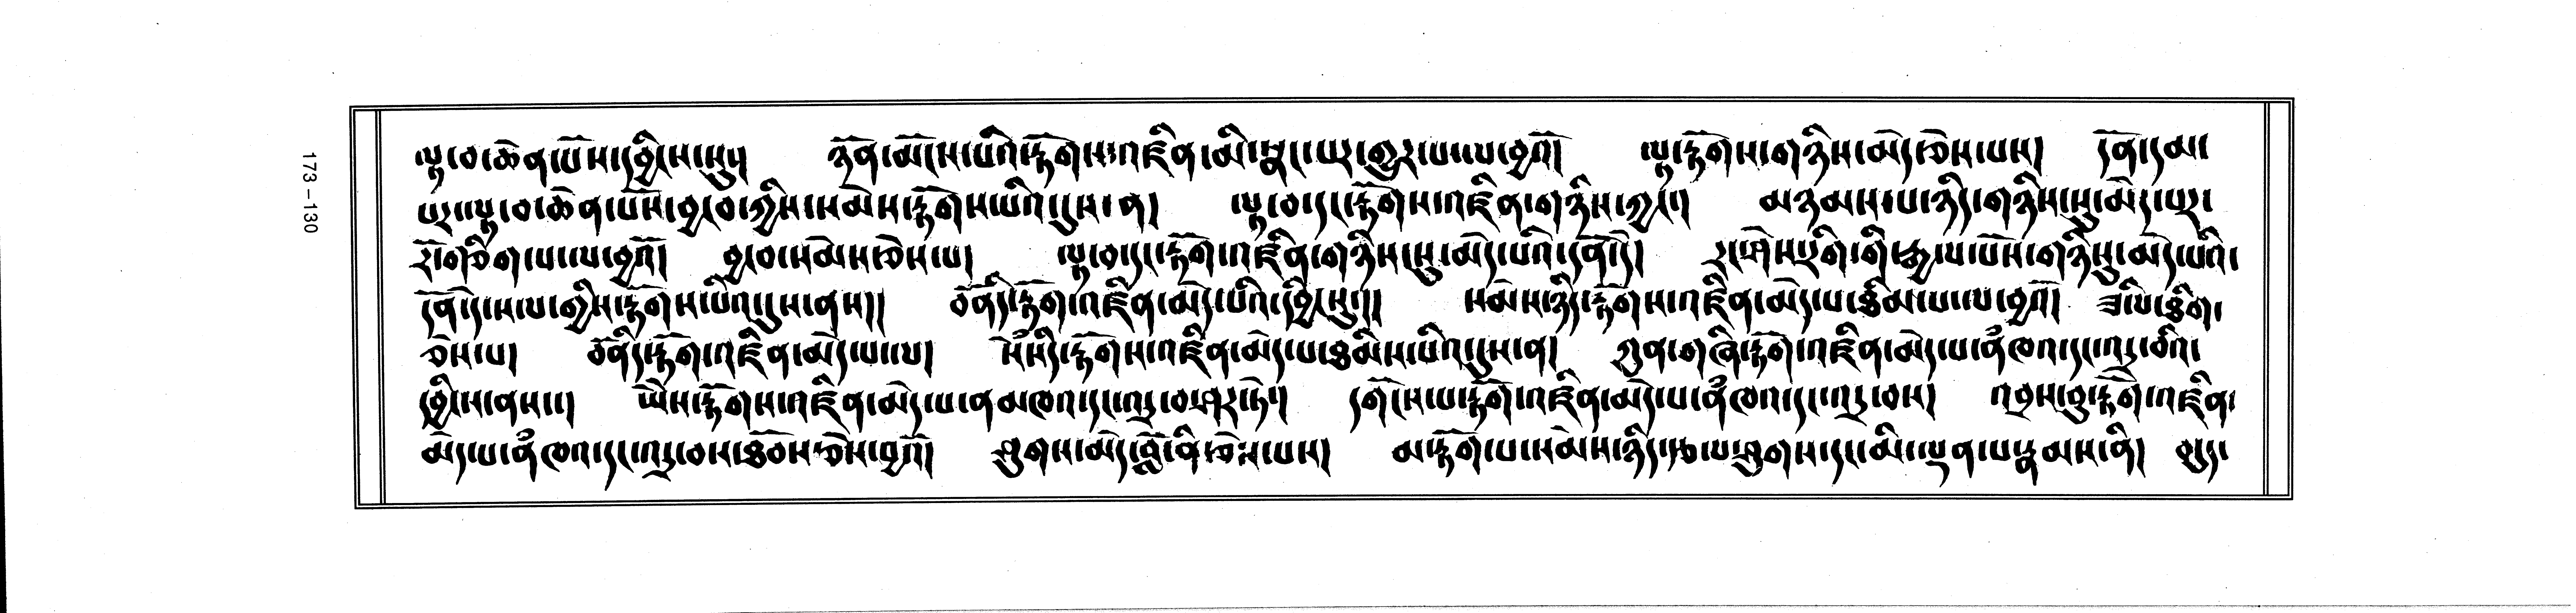ལྟ་བ་ཆེན་པོའི་དབྱིངས་སུ། ཉོན་མོངས་པའི་རྟོག་འཛིན་མི་སྣང་པ་ལ་བྱའོ། །ལྟ་རྟོགས་གཉིས་མེད་ཅེས་པས། དོན་དམ་
པར་ལྟ་བ་ཆེན་པོས་བྱང་ཆུབ་ཀྱི་སེམས་རྟོགས་པའི་དུས་ན། ལྟ་བ་དང་རྟོག་འཛིན་གཉིས་ཀྱང་། མཉམ་པ་ཉིད་གཉིས་སུ་མེད་པར་
རོ་གཅིག་པ་ལ་བྱའོ། །བྱང་ཆུབ་སེམས་ཅེས་པ། ལྟ་བ་དང་རྟོག་འཛིན་གཉིས་སུ་མེད་པའི་དོན་དེ། རང་ཤེས་རིག་གི་རྒྱལ་པོས་གཉིས་སུ་མེད་པའི་
དོན་དེ་སལ་གྱིས་རྟོགས་པའི་དུས་ནས། བོན་ཉིད་རྟོག་འཛིན་མེད་པའི་དབྱིངས་སུ། སེམས་ཉིད་རྟོག་འཛིན་མེད་པ་ཐིམ་པ་ལ་བྱའོ། །ཟིལ་ཐིག་
ཅེས་བྱ་བ། བོན་ཉིད་རྟོག་འཛིན་མེད་པ་ལ་སེམས་ཉིད་རྟོག་འཛིན་མེད་པ་ཐིམ་པའི་དུས་ན། ཀུན་གཞི་རྟོག་འཛིན་མེད་པ་ནམ་མཁའ་དང་འདྲ་བའི་
དབྱིངས་ནས། ཡེ་ཤེས་རྟོག་འཛིན་མེད་པ་ནམ་མཁའ་དང་འདྲ་བ་ཤར་ཏེ། དགོངས་པ་རྟོག་འཛིན་མེད་པ་ནམ་མཁའ་དང་འདྲ་བས། འབྲས་བུ་རྟོག་འཛིན་
མེད་པ་ནམ་མཁའ་དང་འདྲ་བ་ཐོབ་ཅེས་བྱའོ། །ཤུགས་མེད་བློ་ནི་ཅེས་པས། མ་རྟོགས་པ་སེམས་ཉིད་རྩལ་ཤུགས་དང་མི་ལྡན་པ་རྣམས་ནི། བདུད་བདུད་